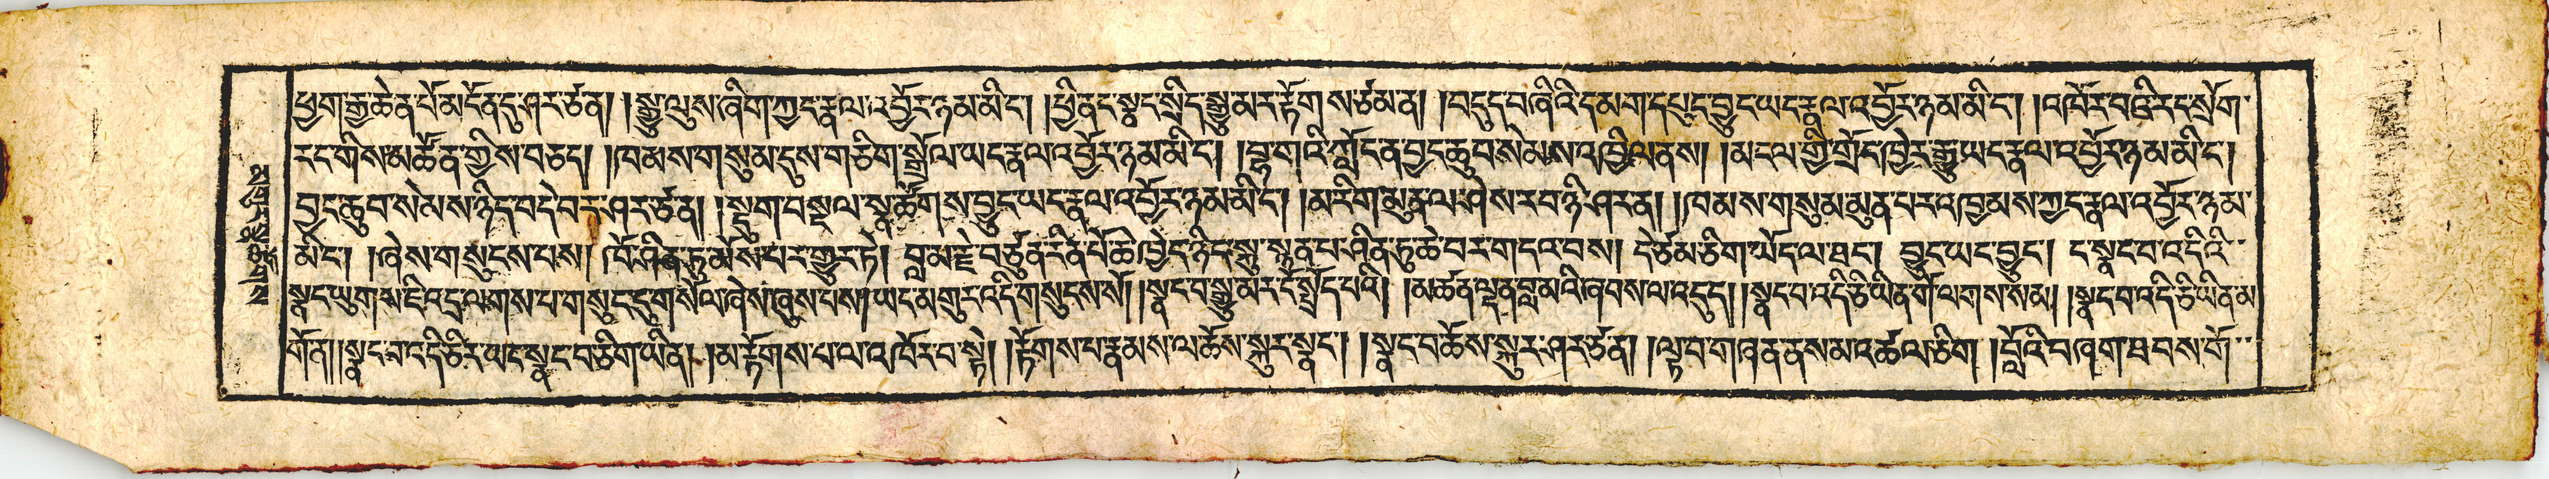ཕྱག་རྒྱ་ཆེན་པོ་མངོན་དུ་ཤར་ཙ་ན། །སྒྱུ་ལུས་ཞིག་ཀྱང་རྣལ་འབྱོར་ཉམ་མི་ང་། །ཕྱི་ནང་སྣང་སྲིད་སྒྱུ་མར་རྟོགས་ཙམ་ན། །བདུད་བཞིའི་དམག་དཔུང་བྱུང་ཡང་རྣལ་འབྱོར་ཉམ་མི་ང་། །འཁོར་བའི་རང་སྲོག་
རང་གིས་མཚོན་གྱིས་བཅད། །ཁམས་གསུམ་དུས་གཅིག་སྒྲོལ་ཡང་རྣལ་འབྱོར་ཉམ་མི་ང་། །བྷ་གའི་ཀློང་ན་བྱང་ཆུབ་སེམས་འཁྱིལ་ནས། །མངལ་གྱི་གྲོང་ཁྱེར་རྒྱུ་ཡང་རྣལ་འབྱོར་ཉམ་མི་ང་། །
བྱང་ཆུབ་སེམས་ཉིད་བདེ་བར་ཤར་ཙ་ན། ། སྡུག་བསྔལ་སྣ་ཚོགས་བྱུང་ཡང་རྣལ་འབྱོར་ཉམ་མི་ང་། །མ་རིག་མུན་པ་ཤེས་རབ་ཉི་ཤར་ན། །ཁམས་གསུམ་མུན་པར་འཁྱམས་ཀྱང་རྣལ་འབྱོར་ཉམ་
མི་ང་། །ཞེས་གསུངས་པས་ཁོ་ཤིན་ཏུ་མོས་པར་གྱུར་ཏེ། བླ་མ་རྗེ་བཙུན་རིན་པོ་ཆེ་ཁྱེད་ཉིད་སྐུ་སྙན་པ་ཤིན་ཏུ་ཆེ་བར་གདའ་བས། དེ་ཙམ་ཅིག་ཡོད་ལ་ཐང་། བྱུང་ཡང་བྱུང་། ང་སྣང་བ་འདིའི་
སྣང་ལུགས་ཇི་འདྲ་ལགས་པ་གསུང་དུ་གསོལ་ཞེས་ཞུས་པས། ཡང་མགུར་འདི་གསུངས་སོ། །སྣང་བ་སྒྱུ་མར་ངོ་སྤྲོད་པའི། །མཚན་ལྡན་བླ་མའི་ཞབས་ལ་འདུད། །སྣང་བ་འདི་ཅི་ཡིན་གོ་ལགས་སམ། །སྣང་བ་འདི་ཅི་ཡིན་མ
གོ་ན། །སྣང་བ་འདི་ཅིར་ཡང་སྣང་བ་ཅིག་ཡིན། །མ་རྟོགས་པ་ལ་འཁོར་བ་སྟེ། །རྟོགས་པ་རྣམས་ལ་ཆོས་སྐུར་སྣང་། །སྣང་བ་ཆོས་སྐུར་ཤར་ཙ་ན། །ལྟ་བ་གཞན་ནས་མ་འཚལ་ཅིག །བློའི་བཞག་ཐབས་གོ་